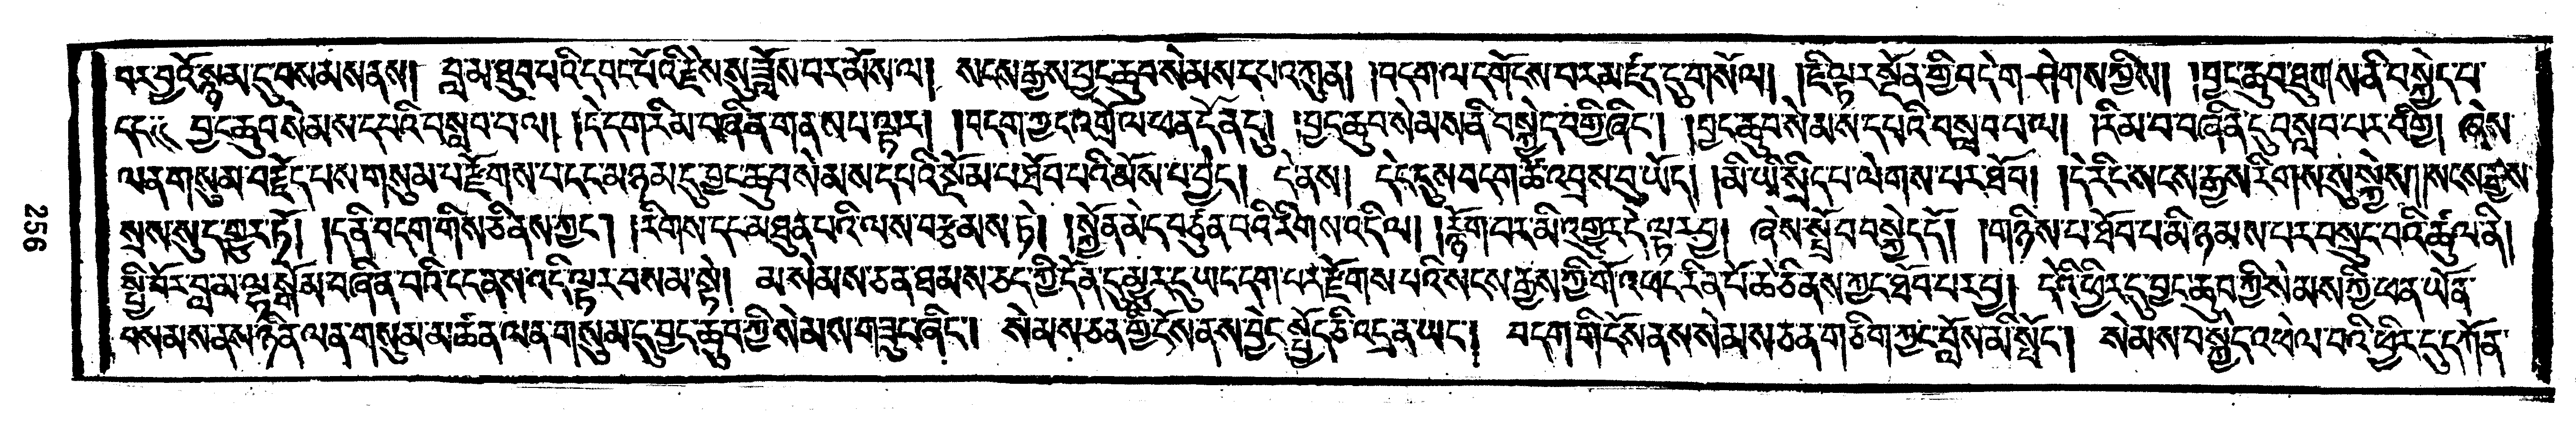བར་བྱའོ་སྙམ་དུ་བསམས་ནས། བླ་མ་ཐུབ་པའི་དབང་པོའི་རྗེས་སུ་ཟློས་པར་མོས་ལ། སངས་རྒྱས་བྱང་ཆུབ་སེམས་དཔའ་ཀུན། །བདག་ལ་དགོངས་པར་མཛད་དུ་གསོལ། །ཇི་ལྟར་སྔོན་གྱི་བདེ་གཤེགས་ཀྱིས། །བྱང་ཆུབ་ཐུགས་ནི་བསྐྱེད་པ་
དང༑༑ བྱང་ཆུབ་སེམས་དཔའི་བསླབ་པ་ལ། །དེ་དག་རིམ་བཞིན་གནས་པ་ལྟར། །བདག་ཀྱང་འགྲོ་ལ་ཕན་དོན་དུ། །བྱང་ཆུབ་སེམས་དཔའི་བསྐྱེད་བགྱི་ཞིང་། །བྱང་ཆུབ་སེམས་དཔའི་བསླབ་པ་ལ། རིམ་པ་བཞིན་དུ་བསླབ་པར་བགྱི། ཞེས་
ལན་གསུམ་བརྗོད་པས་གསུམ་པ་རྫོགས་པ་དང་མཉམ་དུ་བྱང་ཆུབ་སེམས་དཔའི་སྔོམ་པ་ཐོབ་པའི་མོས་པ་བྱེད། དེ་ནས། དེང་དུས་བདག་ཚེ་འབྲས་བུ་ཡོད། །མི་ཡི་སྲིད་པ་ལེགས་པར་ཐོབ། །དེ་རིང་སངས་རྒྱས་རིགས་སུ་སྐྱེས། །སངས་རྒྱས་
སྲས་སུད་གྱུར་ཏོ། །ད་ནི་བདག་གིས་ཅི་ནས་ཀྱང་། །རིགས་དང་མཐུན་པའི་ལས་བརྩམས་ཏེ། །སྐྱོན་མེད་བཙུན་པའི་རིགས་འདི་ལ། །རྙོག་པར་མི་འགྱུར་དེ་ལྟར་བྱ། ཞེས་སྤྲོ་བ་བསྐྱེད་དོ། །གཉིས་པ་ཐོབ་པ་མི་ཉམས་པར་བསྲུང་བའི་ཚུལ་ནི།
སྤྱི་བོར་བླ་མ་ལྷ་སྒོམ་བཞིན་བའི་དང་ནས་འདི་ལྟར་བསམ་སྟེ། མ་སེམས་ཅན་ཐམས་ཅད་ཀྱི་དོན་དུ་མྱུར་དུ་ཡང་དག་པར་རྫོགས་པའི་སངས་རྒྱས་ཀྱི་གོ་འཕང་རིན་པོ་ཆེ་ཅི་ནས་ཀྱང་ཐོབ་པར་བྱ། དེའི་ཕྱིར་དུ་བྱང་ཆུབ་ཀྱི་སེམས་ཀྱི་ཕན་ཡོན་
བསམས་ནས་ཉིན་ལན་གསུམ་མཚན་ལན་གསུམ་དུ་བྱང་ཆུབ་ཀྱི་སེམས་གཟུང་ཞིང་། སེམས་ཅན་གྱི་ངོས་ནས་བྱེད་སྤྱོད་ཅི་འདྲ་ན་ཡང་། བདག་གི་ངོས་ནས་སེམས་ཅན་གཅིག་ཀྱང་བློས་མི་སྤོང་། སེམས་བ་སྐྱེད་འཕེལ་བའི་ཕྱིར་དུ་དཀོན་